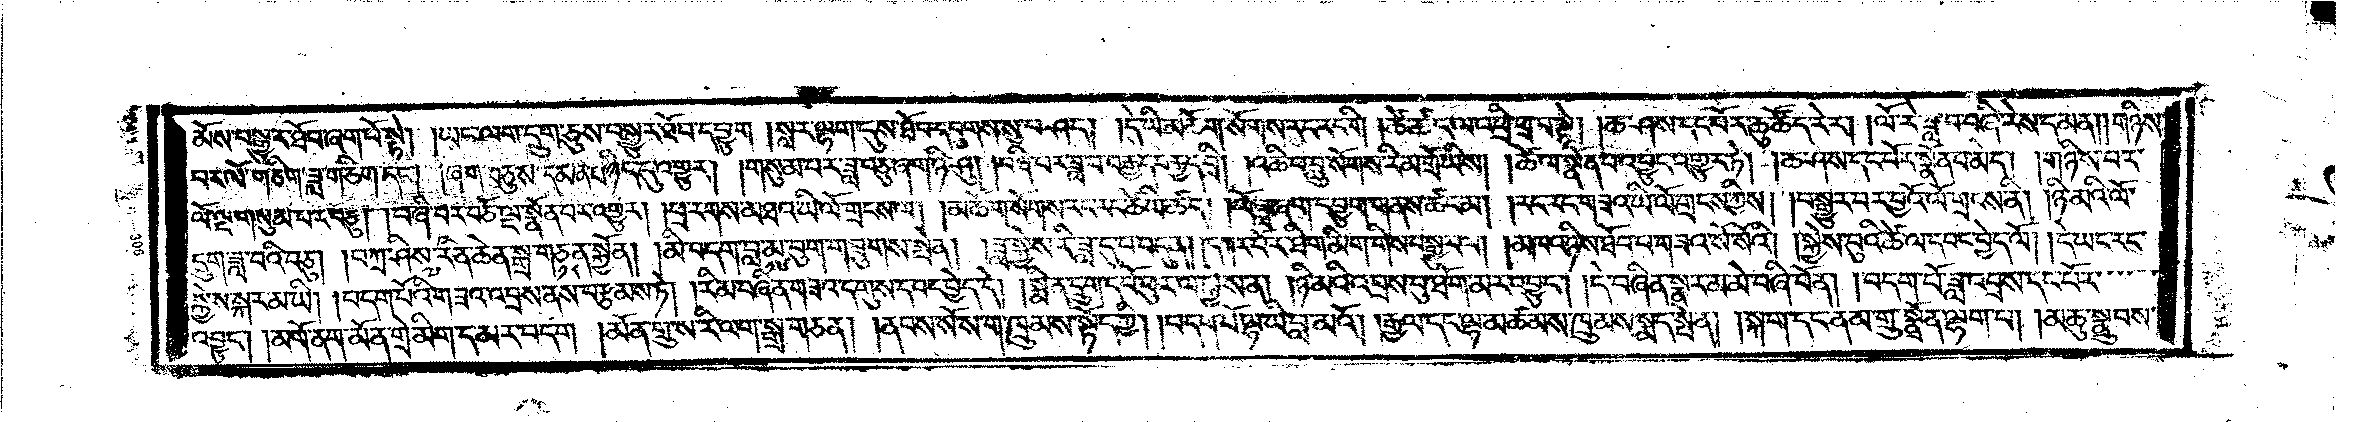མོས་བསྒྱུར་ཐོབ་ཞག་པོ་སྟེ། །ཡང་ལག་དྲུག་ཅུས་བསྒྱུར་ཐོབ་དབྱུག །སླར་ལྷག་དུས་ཐོབ་དབུགས་སུ་བཤད། །དེ་ཡི་མཆོག་སོགས་རང་རང་གི །ཚེ་ཚད་ལ་འཕྲི་ཕྲ་བ་སྟེ། །ཆ་ཤས་དང་པོར་ཆུ་ཚོད་རེར། །ལོ་རེ་བླ་བ་བཞི་རེས་དམན། །གཉིས་
བར་ལོ་གཅིག་ཟླ་གཅིག་དང་། །ཞག་བཅུས་དམན་པ་ཉིད་དུ་འགྱུར། །གསུམ་པར་ཟླ་བཅུ་ཞག་ཉི་ཤུ། །བཞི་པར་ཟླ་བ་བརྒྱད་བརྒྱད་བྲི། །འཆི་བ་བླུ་སོགས་རིམ་གྲོ་ཡིས། །ཚེ་ལ་སྣོན་པ་འབྱུང་འགྱུར་ཏེ། །ཆ་ཤས་དང་པོར་སྣོན་པ་མེད། །གཉིས་པར་
ལོ་ལྔ་གསུམ་པར་བཅུ། །བཞི་བར་བཅོ་ལྔ་སྣོན་པར་འགྱུར། །ཕྲ་རགས་མཐའ་ཡི་ལོ་གྲངས་བ། །མཆོག་སོགས་རང་རང་ཚེ་ཡི་ཚད། །ལོ་ཟླ་ཞག་དབྱུག་གནས་ཚང་མ། །རང་རང་གཟའ་ཡི་ལོ་གྲངས་ཀྱིས། །བསྒྱུར་བར་བྱའོ་ལོ་གྲངས་ནི། །ཉི་མའི་ལོ་
དྲུག་ཟླ་བའི་བཅུ། །བཀྲ་ཤིས་རིན་ཆེན་སྒྲ་གཅན་སྐྱོན། །མི་བདག་བླ་མ་བུག་གཟུགས་སྤེན། །ཟླ་སྐྱེས་རི་ཟླ་དུ་བ་བདུན། །དཀར་པོར་ཐིག་མིག་གིས་བསྒྱུར་ལ། །མཁའ་ཉིས་ཐོབ་པ་གཟའ་སོ་སོའི། །སྐྱེས་བུའི་ཚེ་ལ་དབང་བྱེད་ལོ། །དེ་ཡང་རང་
སྐྱེས་སྐར་མ་ཡི། །བདག་པོའི་གཟའ་འབྲས་ནས་བརྩམས་ཏེ། །རིམ་བཞིན་གཟའ་དགུས་དབང་བྱེད་དེ། །སྨིན་དགུང་པོ་ཕུར་ལ་སྐྱེས་ན། །ཉི་མའི་འབྲས་བུ་ཐོག་མར་འབྱུང་། །དེ་བཞིན་སྣར་མ་མེ་བཞི་པོ་ན། །བདག་པོ་ཟླ་འབྲས་དང་པོར་
འབྱུང་། །མགོ་ནག་མོན་གྲེ་མིག་དམར་བདག །མོན་གྲུ་ས་རི་ལག་སྒྲ་གཅན། །ནབས་སོ་ས་ག་ཁྲུམས་སྟོད་ཀྱི། །བདག་པོ་ལྷ་ཡི་བླ་མའོ། །རྒྱལ་དང་ལྷ་མཚམས་ཁྲུམས་སྨད་སྤེན། །སྐག་དང་ནམ་གྲུ་སྣོན་ལྷག་པ། །མཆུ་སྣུབས་